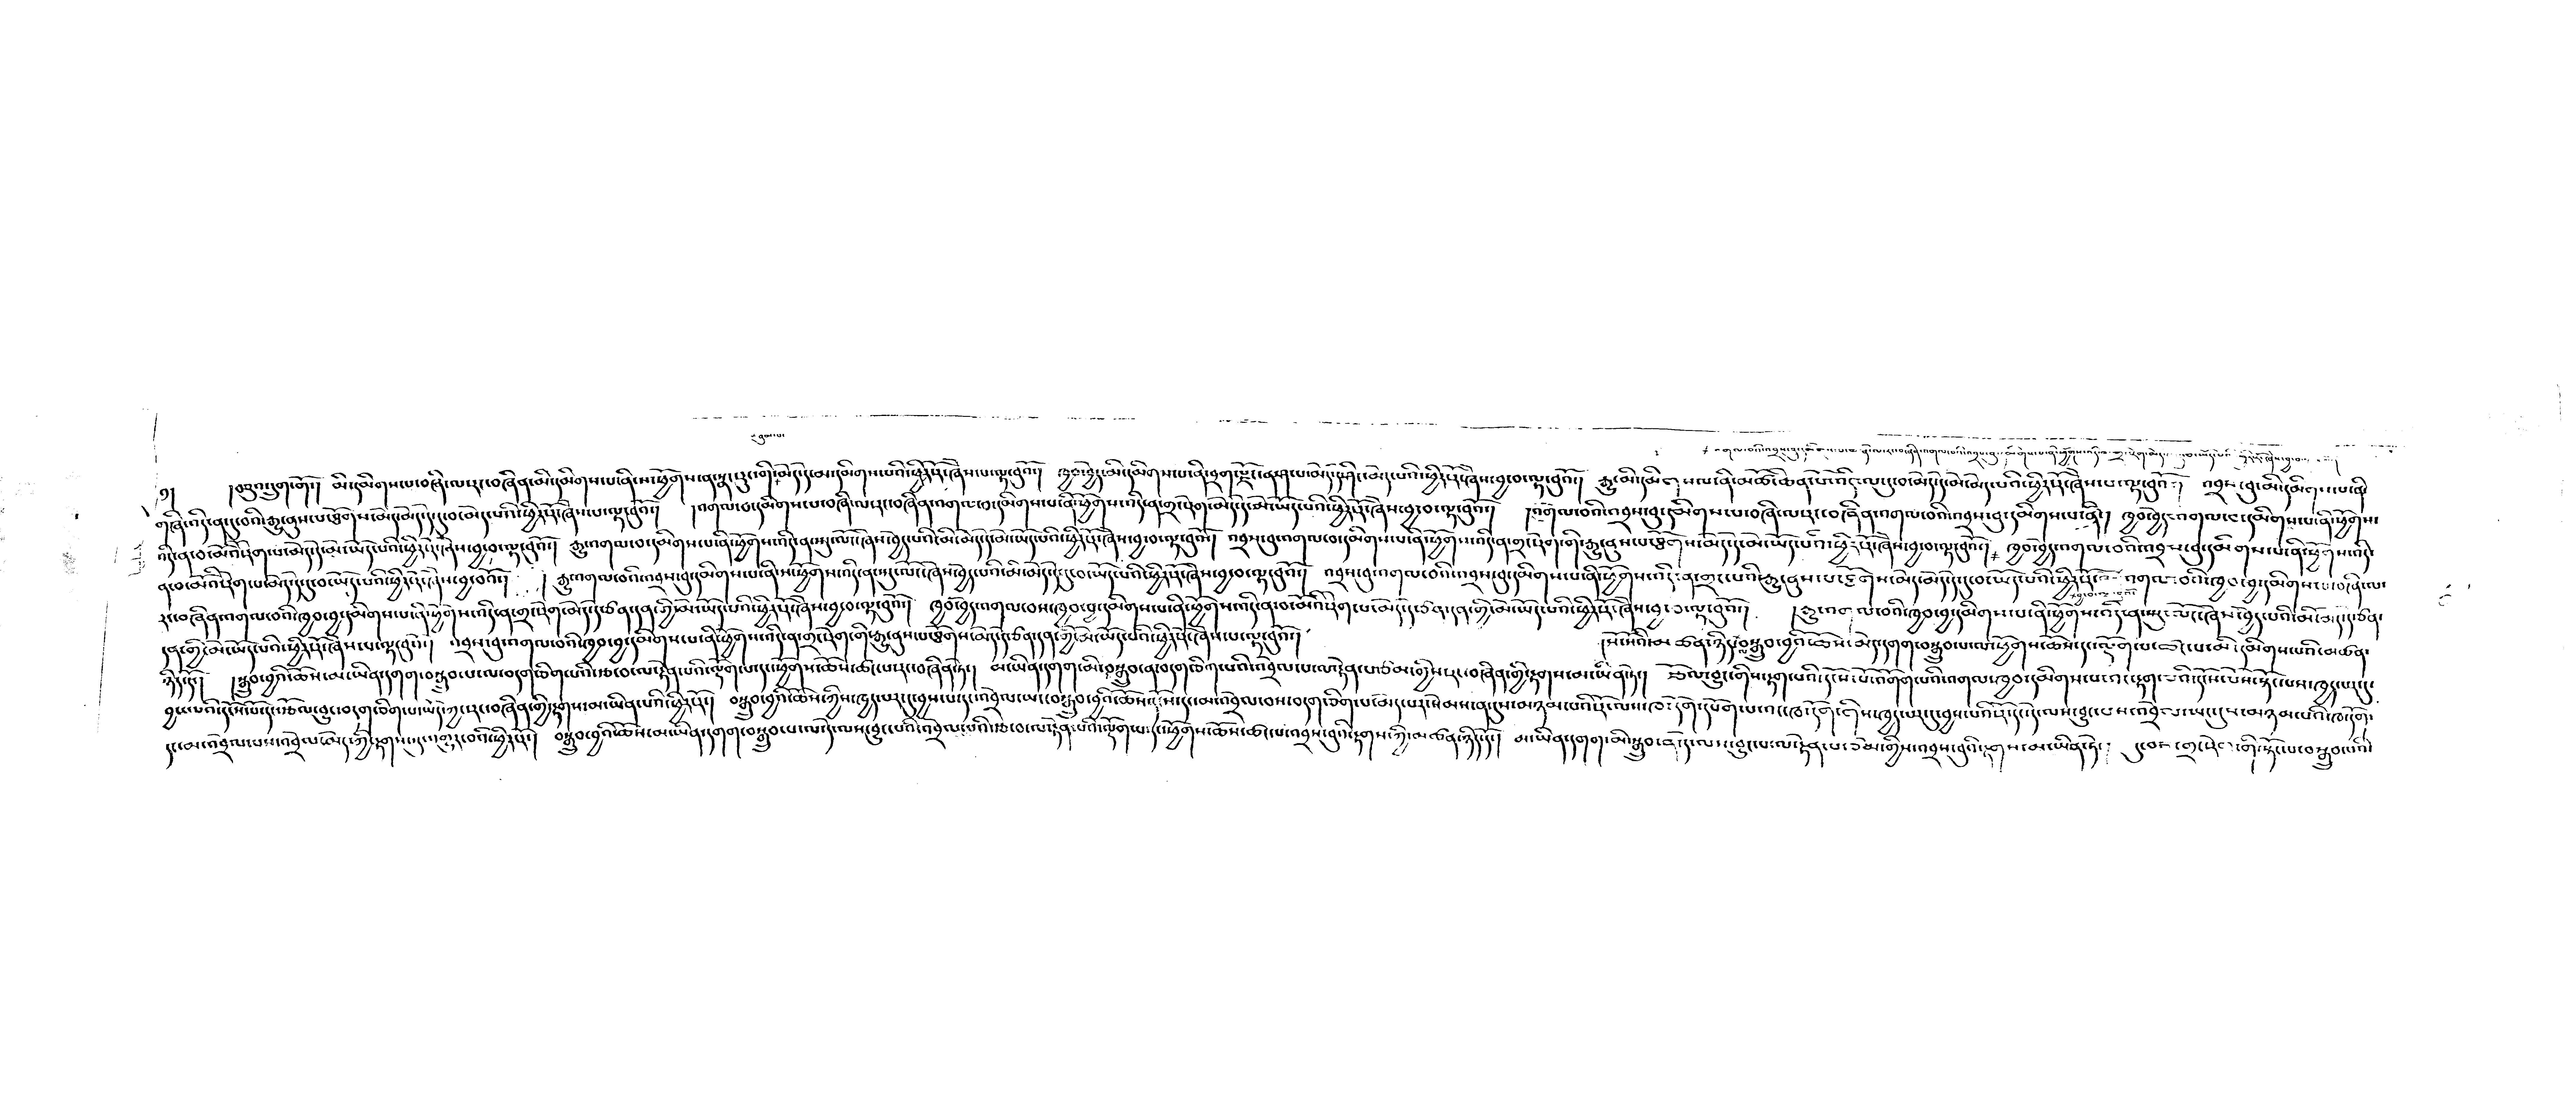༈། །བཅུའ་དྲུག་གོ། མི་དམིགས་པ་བཞི་ལ་རང་བཞིན་མི་དམིགས་པ་ནི་ས་ཕྱོགས་ན་སྣང་རུང་གི་མེད་དེ་མ་དམིགས་པའི་ཕྱིར་རོ་ཞེས་པ་ལྟ་བུའོ། ཁྱབ་བྱེད་མི་དམིགས་པ་ནི་བྲག་རྫོང་ན་ཤ་པ་མེད་དེ་ཤིང་མེད་པའི་ཕྱིར་རོ་ཞེས་བྱ་བ་ལྟ་བུའོ། རྒྱུ་མི་དམིགས་པ་ནི་མཚོ་ཆེན་པོ་འདི་ལ་དུ་བ་མེད་དེ་མེ་མེད་པའི་ཕྱིར་རོ་ཞེས་པ་ལྟ་བུའོ། འབྲས་བུ་མི་དམིགས་པ་ནི་
གཞི་འདི་ན་དུ་བའི་རྒྱུ་ནུས་པ་ཐོགས་མེད་མེད་དེ་དུ་བ་མེད་པའི་ཕྱིར་རོ་ཞེས་པ་ལྟ་བུའོ། །འགལ་བ་དམིགས་པ་བཞི་ལ་རང་བཞིན་འགལ་བ་དམིགས་པ་ནི་ཕྱོགས་འདི་ན་གྲང་རེག་མེད་དེ་མེ་ཡོད་པའི་ཕྱིར་རོ་ཞེས་བྱ་བ་ལྟ་བུའོ། །འགལ་བའི་འབྲས་བུ་དམིགས་པ་བཞི་ལ་རང་བཞིན་འགལ་བའི་འབྲས་བུ་དམིགས་པ་ནི། ཁྱབ་བྱེད་འགལ་བ་དམིགས་པ་ནི་ཕྱོགས་
འདི་ན་བ་མོའི་རེག་པ་མེད་དེ་མེ་ཡོད་པའི་ཕྱིར་རོ་ཞེས་བྱ་བ་ལྟ་བུའོ། རྒྱུ་འགལ་བ་དམིགས་པ་ནི་ཕྱོགས་འདི་ན་སྤུ་ལོང་ཞེས་བྱེད་པའི་མི་མེད་དེ་མེ་ཡོད་པའི་ཕྱིར་རོ་ཞེས་བྱ་བ་ལྟ་བུའོ། འབྲས་བུ་འགལ་བ་དམིགས་པ་ནི་ཕྱོགས་འདི་ན་གྲང་རེག་གི་རྒྱུ་ནུས་པ་ཐོགས་མེད་དེ་མེ་ཡོད་པའི་ཕྱིར་རོ་ཞེས་བྱ་བ་ལྟ་བུའོ། འགལ་མི་འབྲས་བུ་དམིགས་པ་???་ཁྱབ་བྱེད་འགལ་བའི་འབྲས་བུ་དམིགས་པ་ནི་ཕྱོགས་འདི་
ན་བ་མོའི་རིག་པ་མེད་དེ་དུ་བ་ཡོད་པའི་ཕྱིར་རོ་ཞེས་བྱ་བའོ། །རྒྱུ་འགལ་བའི་འབྲས་བུ་དམིགས་པ་ནི་ས་ཕྱོགས་འདི་ན་སྤུ་ལོང་ཞེས་བྱེད་པའི་མི་མེད་དེ་དུ་བ་ཡོད་པའི་ཕྱིར་རོ་ཞེས་བྱ་བ་ལྟ་བུའོ། འབྲས་བུ་འགལ་བའི་འབྲས་བུ་དམིགས་པ་ནི་ཕྱོགས་འདི་ན་གྲང་པའི་རྒྱུ་ནུས་པ་ཐོགས་མེད་མེད་དེ་དུ་བ་ཡོད་པའི་ཕྱིར་རོ་འགལ་བའི་ཁྱབ་བྱ་དམིགས་པ་བཞི་ལ་
རང་བཞིན་འགལ་བའི་ཁྱབ་བྱ་དམིགས་པ་ནི་ཕྱོགས་འདི་ན་གྲང་རེག་མེད་དེ་ཙན་དན་གྱི་མེ་ཡོད་པའི་ཕྱིར་རོ་ཞེས་བྱ་བ་ལྟ་བུའོ། ཁྱབ་བྱེད་འགལ་བས་ཁྱབ་བྱ་དམིགས་པ་ནི་ཕྱོགས་འདི་ན་བ་མོའི་རེག་པ་མེད་དེ་ཙན་དན་གྱི་མེ་ཡོད་པའི་ཕྱིར་རོ་ཞེས་བྱ་བ་ལྟ་བུའོ། །རྒྱུ་འགལ་བའི་ཁྱབ་བྱ་དམིགས་པ་ནི་ཕྱོགས་འདི་ན་སྤུ་ལོང་ཞེས་བྱེད་པའི་མི་མེད་དེ་ཙན་
དན་གྱི་མེ་ཡོད་པའི་ཕྱིར་རོ་ཞེས་པ་ལྟ་བུའོ། འབྲས་བུ་འགལ་བའི་ཁྱབ་བྱ་དམིགས་པ་ནི་ཕྱོགས་འདི་ན་གྲང་རེག་གི་རྒྱུ་ནུས་པ་ཐོགས་མེད་དེ་ཙན་དན་གྱི་མེ་ཡོད་པའི་ཕྱིར་རོ་ཞེས་པ་ལྟ་བུའོ། །སོ་སོའི་མཚན་ཉིད་ལ་བསྒྲུབ་བྱའི་ཆོས་མེད་དགག་བསྒྲུབ་པ་ལ་ཕྱོགས་ཆོས་དང་ལྡོག་པ་ཚང་པ་མི་དམིགས་པའི་མཚན་
ཉིད་དོ། །སྒྲུབ་བྱའི་ཆོས་མ་ཡིན་དགག་བསྒྲུབ་པ་ལ་བདག་ཅིག་པའི་རྩ་བ་ལ་རྟེན་པའི་ལྡོག་པ་དང་ཕྱོགས་ཆོས་ཚང་པ་རང་བཞིན་ཏེ། མ་ཡིན་དགག་མི་བསྒྲུབ་ན་བདག་ཅིག་པའི་འབྲེལ་པ་ལ་རྟེན་པ་ཙམ་གྱིས་རང་བཞིན་གྱི་རྟགས་མ་ཡིན་ཏེ། རྩོལ་བྱུང་གིས་རྟག་པའི་དངོས་པོ་འགོག་པའི་འགལ་ཁྱབ་དམིགས་པ་འང་རྟག་པའི་དངོས་པོས་སྟོང་པས་ཁྱད་པར་དུ་
བྱས་པའི་དངོས་པོ་དང་རྩོལ་བྱུང་བདག་ཅིག་པ་ཡོད་ཀྱང་རང་བཞིན་གྱི་རྟགས་མ་ཡིན་པའི་ཕྱིར་རོ། བསྒྲུབ་བྱའི་ཆོས་ཀྱིས་ཁྱད་པར་དུ་བྱས་པ་དང་འབྲེལ་ཡང་བསྒྲུབ་བྱའི་ཆོས་དངོས་དང་མ་འབྲེལ་བས་བདག་ཅིག་པ་མེད་པར་སེམས་ན་དུས་མཉམ་པའི་རོ་ལས་ཁ་དོག་དཔོག་པ་འང་ཁ་དོག་གིས་ཁྱད་པར་དུ་བྱས་པའི་རོ་དང་དེ་ལས་བྱུང་པས་འབྲེལ་ཡང་དུས་མཉམ་པའི་ཁ་དོག་
དང་མ་འབྲེལ་པས་འབྲེལ་མེད་ཀྱི་རྟགས་སུ་འགྱུར་བའི་ཕྱིར་རོ། བསྒྲུབ་བྱའི་ཆོས་མ་ཡིན་དགག་བསྒྲུབ་པ་ལ་དེ་ལས་བྱུང་པའི་འབྲེལ་པའི་རྩ་བ་ལ་རྟེན་པའི་ལྡོག་པ་དང་ཕྱོགས་ཆོས་ཚང་པ་འབྲས་བུའི་རྟགས་ཀྱི་མཚན་ཉིད་དོ། མ་ཡིན་དགག་མི་སྒྲུབ་ན་དེ་ལས་བྱུང་པ་ལ་རྟེན་པ་ཙམ་གྱིས་འབྲས་བུའི་རྟགས་མ་ཡིན་ཏེ། དུ་བ?་གྲང་རེག་གི་སྟོང་པ་བསྒྲུབ་པའི་